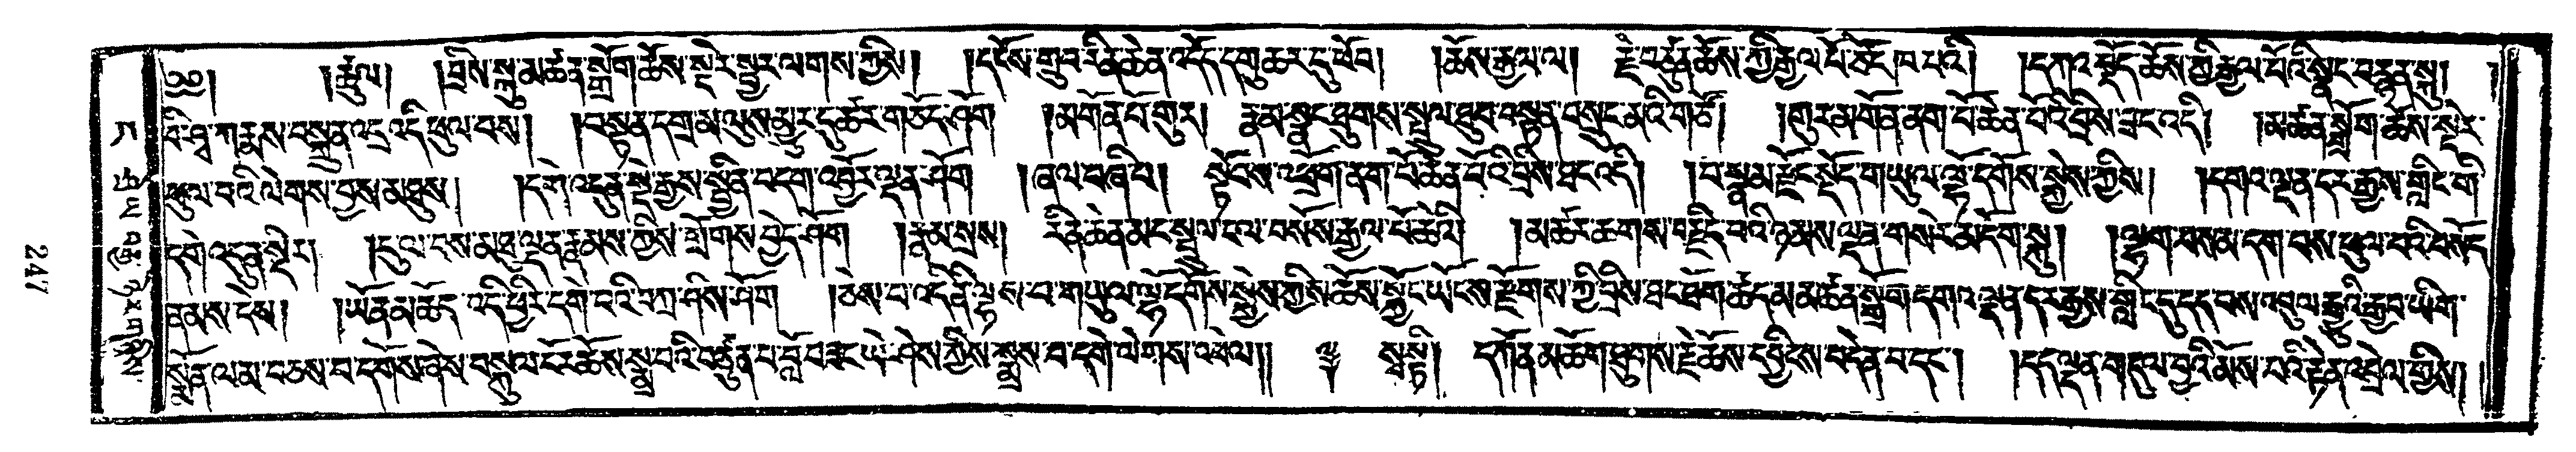༄༅། །ཚུལ། །བྲིས་སྐུ་མཚན་སྒྲོག་ཆོས་སྡེར་སྦྱར་ལགས་ཀྱིས། །དངོས་གྲུབ་རིན་ཆེན་འདོད་དགུ་ཆར་དུ་ཕོབ། །ཆོས་རྒྱལ་ལ། རྗེ་བཙུན་ཆོས་ཀྱི་རྒྱལ་པོ་ཙོང་ཁ་པའི། །དཀའ་སྡོད་ཆོས་ཀྱི་རྒྱལ་པོའི་སྣང་བརྙན་སྐུ། །
བི་ཤྭ་ཀརྨས་བསྐྲུན་འདྲ་འདི་ཕུལ་བས། །བསྟན་དགྲ་མ་ལུས་མྱུར་དུ་ཚར་གཅོད་ཤོག །མགོན་པོ་གུར། རྣམ་སྣང་ཐུགས་སྤྲུལ་ཐུབ་བསྟན་བསྲུང་མའི་གཙོ། །གུར་མགོན་ནག་པོ་ཆེན་བོའི་བྲིས་ཟང་འདི། །མཚན་སྒྲོག་ཆོས་སྡེར་
ཕུལ་བའི་ལེགས་བྱས་མཐུས། །དགེ་འདུན་སྡེ་རྒྱས་སྦྱིན་བདག་འབྱོར་ལྡན་ཤོག །ཞལ་བཞི་པ། སྟོབས་འཕྲོག་ནག་པོ་ཆེན་པོའི་བྲིས་ཐང་འདི། །བ་སྣམ་རྫོང་སྡོད་གཡུལ་ལྷོ་དགོས་སྐྱེས་ཀྱིས། །དགའ་ལྡན་དར་རྒྱས་གླིང་གི་
དགེ་འདུན་སྡིར། །དུ་ལ་བས་མཐུ་ལྡན་རྣམས་ཀྱིས་གྲོགས་བྱེད་ཤོག །རྣམ་སྲས། རིན་ཆེན་མང་སྦྲུལ་ངལ་བསོས་རྒྱལ་པོ་ཆེའི། །མཚར་ཆགས་བརྗིད་བའི་ཉམས་ལྡན་གསེར་མདོག་སྐུ། །ལྷག་བསམ་དག་བས་ཕུལ་བའི་བསོད་
ནམས་དེས། །ཡོན་མཆོད་འདི་ཕྱིར་དགེ་བའི་བཀྲ་ཤིས་ཤོག །ཅེས་པ་འདི་ནི་ལྷ་ས་བ་གཡུལ་ལྷོ་དགོས་སྐྱེས་ཀྱིས་ཆོས་སྐྱོང་ཡོངས་རྫོགས་ཀྱི་བྲིས་ཐང་ཐོག་ཚད་མ་མཚན་སྒྲོག་དགའ་ལྡན་དར་རྒྱས་གླིང་དུ་དད་པས་འབུལ་རྒྱུའི་རྒྱབ་ཡིག་
སྨོན་ལམ་བཅས་བ་དགོས་ཞེས་བསྐུལ་ངོར་ཆོས་སྨྲ་བའི་བཙུན་པ་བློ་བཟང་ཡེ་ཤེས་ཀྱིས་སྨྲས་བ་དགེ་ལེགས་འཕེལ།། ༈ སྭསྟི། དཀོན་མཆོག་ཐུགས་རྗེ་ཆོས་དབྱིངས་བདེན་པ་དང་། །དད་ལྡན་གདུལ་བྱའི་མོས་བའི་རྟེན་འབྲེལ་གྱིས། །